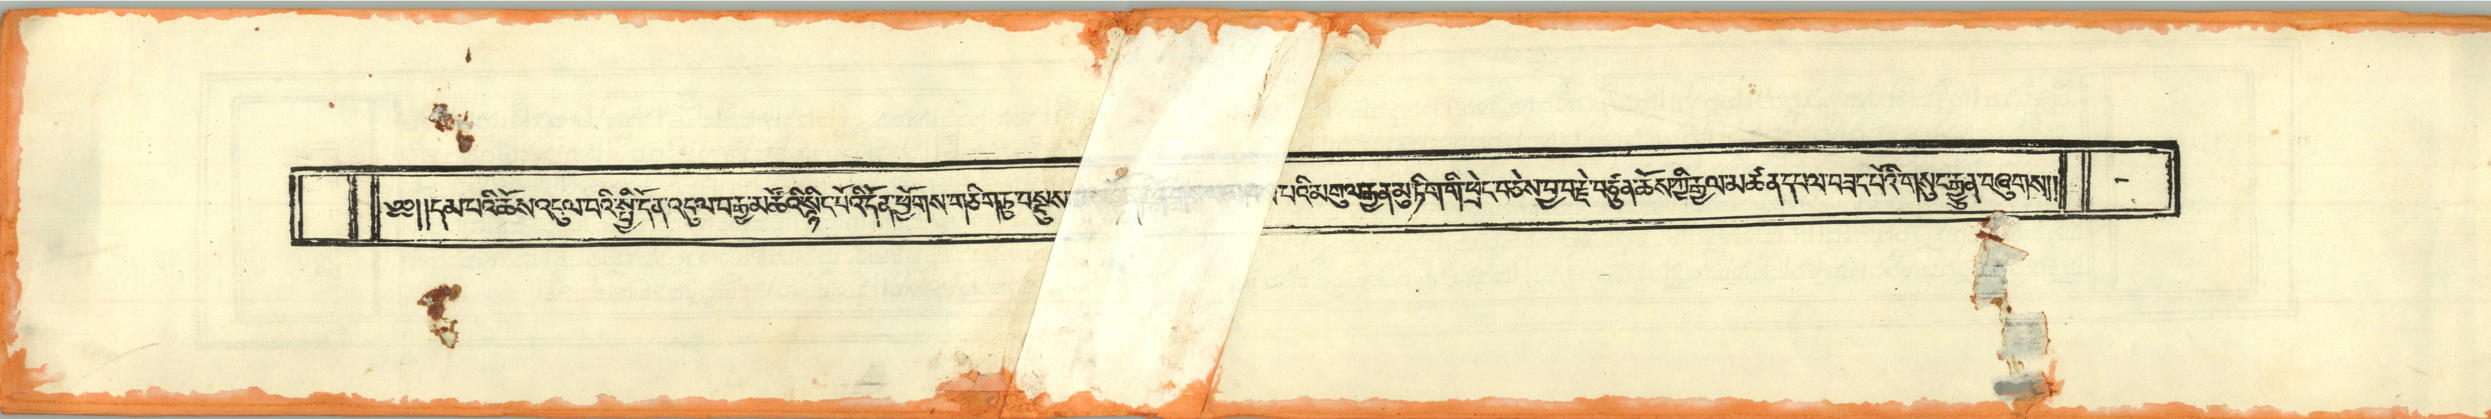༄༅། །དམ་པའི་ཆོས་འདུལ་བའི་སྤྱི་དོན་འདུལ་བ་རྒྱ་མཚོའི་སྙིང་པོའི་དོན་ཕྱོགས་གཅིག་ཏུ་བསྡུས་ནས་སྟོན་པ་བློ་གསལ་མཁས་པའི་མགུལ་རྒྱན་མུ་ཏིག་གི་ཕྲེང་བ་ཅེས་བྱ་བ་རྗེ་བཙུན་ཆོས་ཀྱི་རྒྱལ་མཚན་དཔལ་བཟང་པོའི་གསུང་རྒྱུན་བཞུགས། །